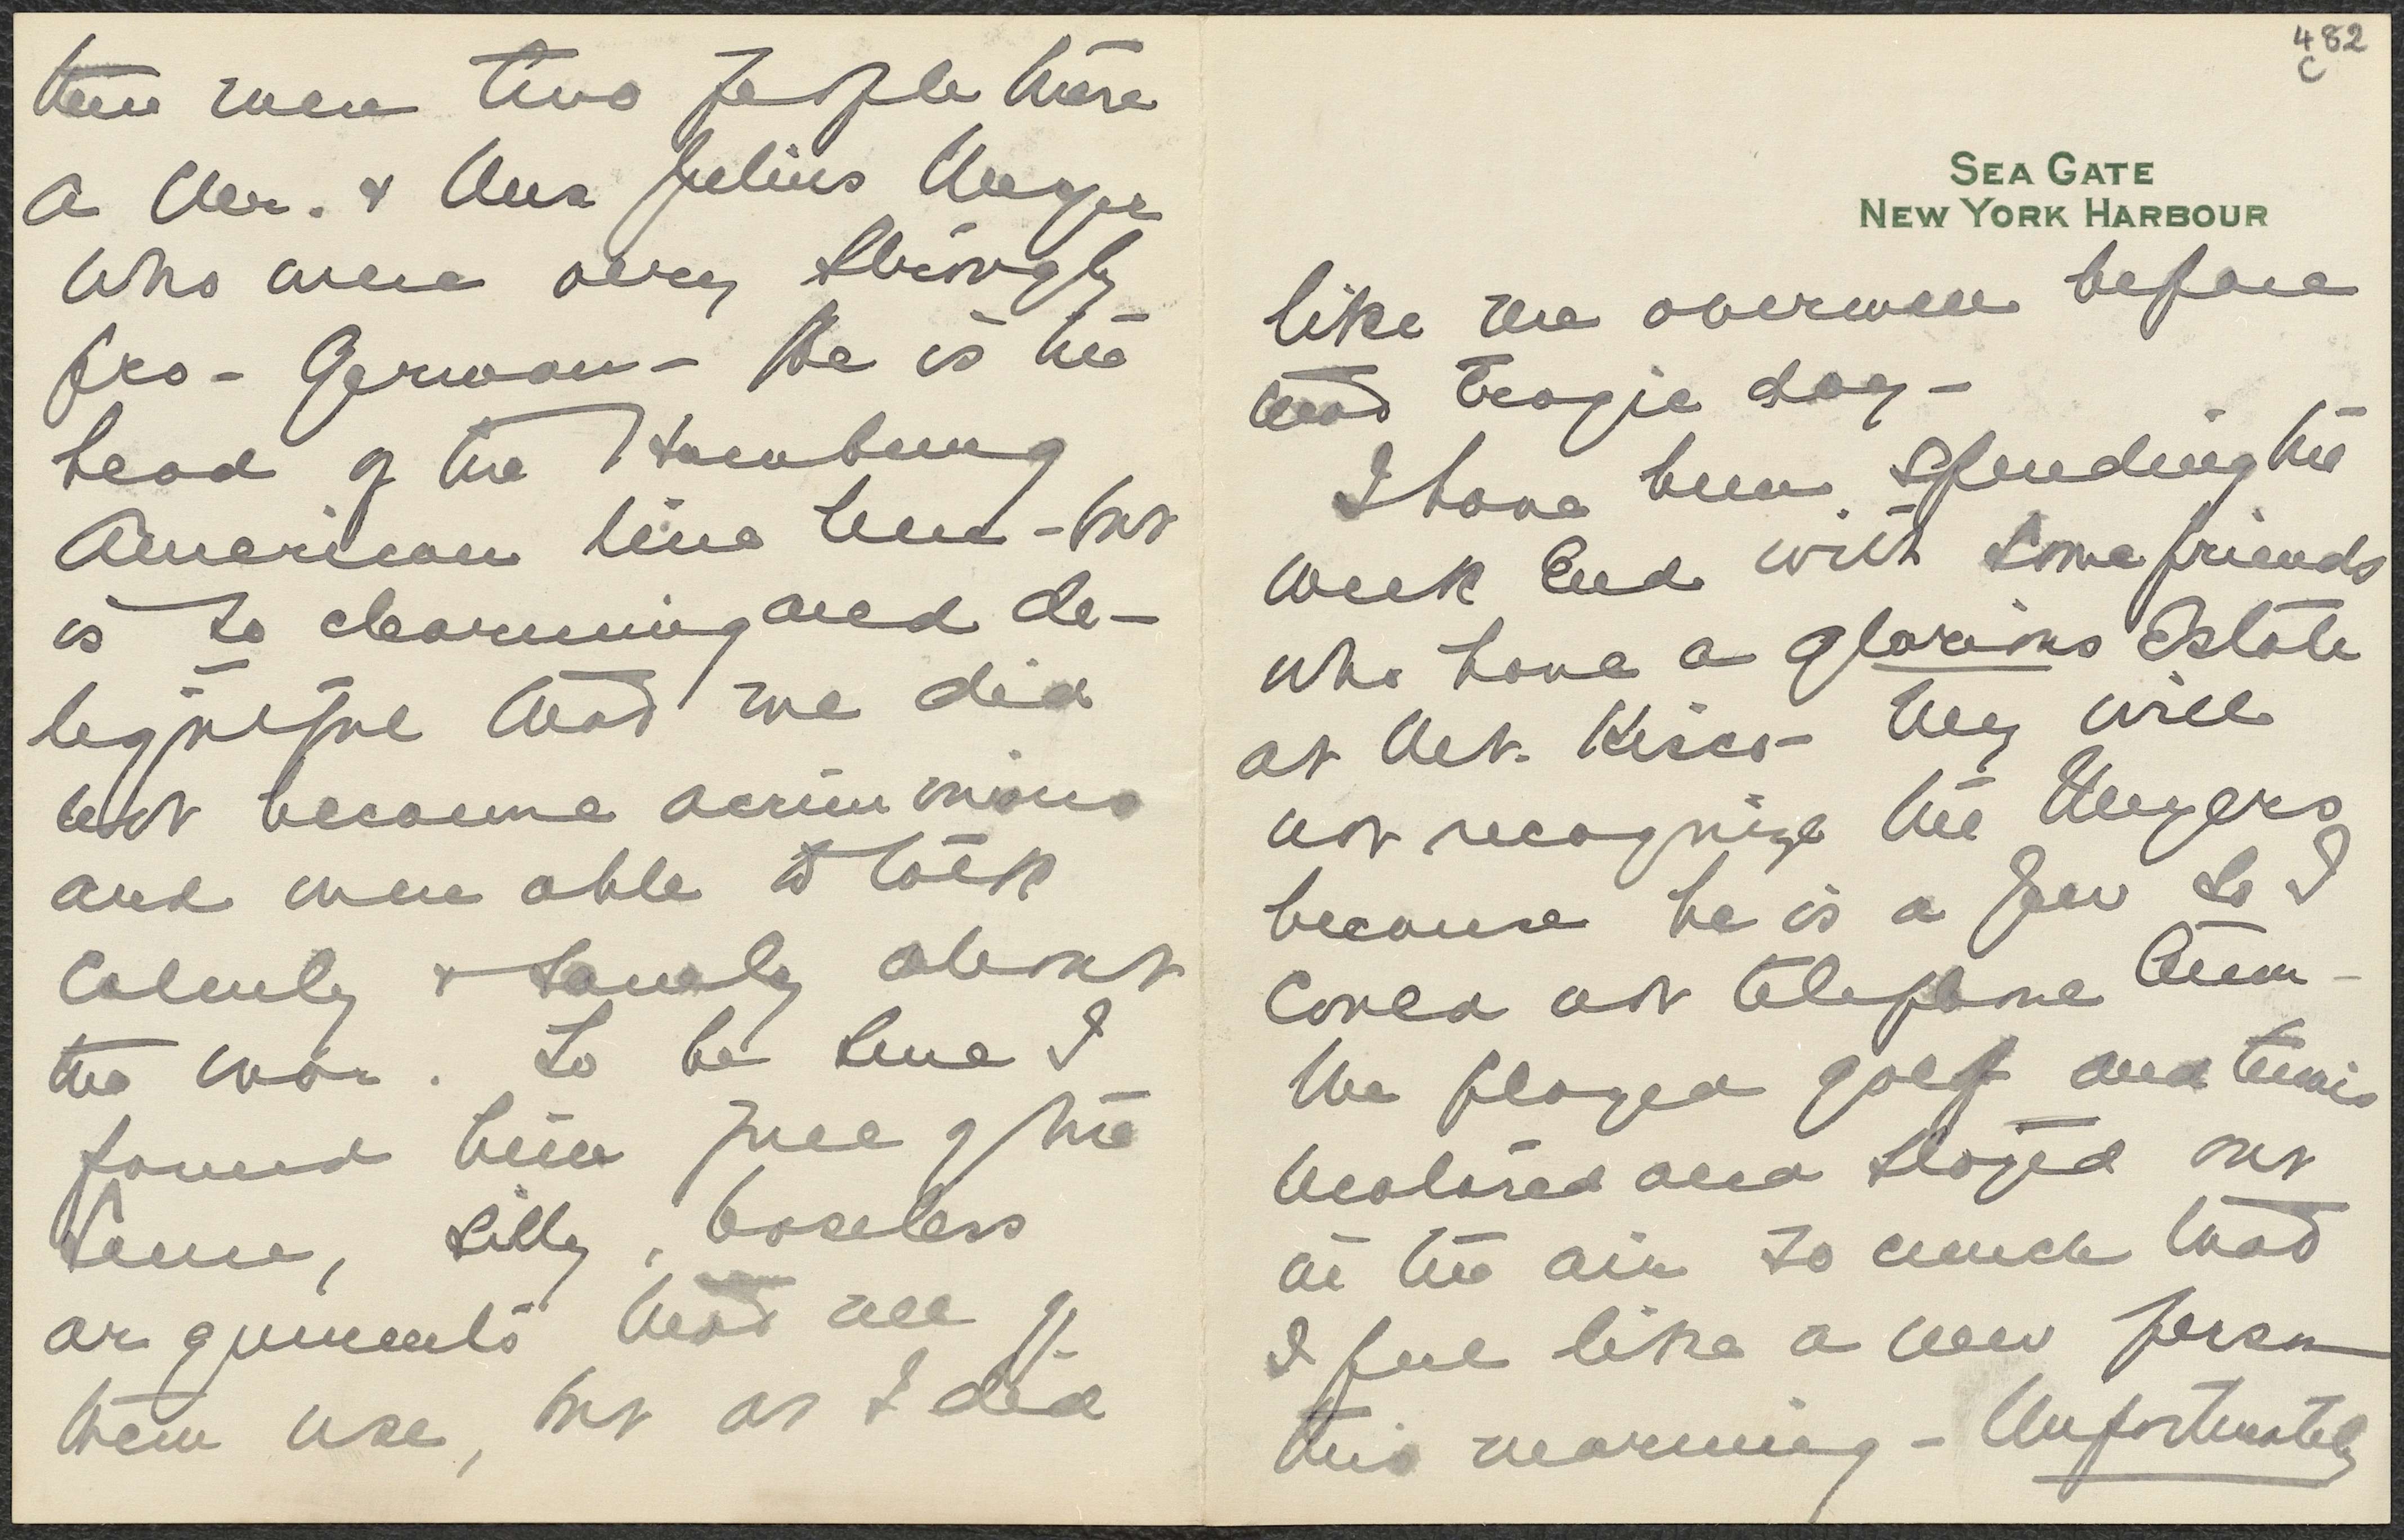like me overwell before that tragic day –
I have been spending the week end [sic] with some friends who have a glorious estate at Mt. Kisco – they will not recognize the Meyers because he is a Jew so I could not telephone them – We played golf and tennis motored and stayed out in the air so much that I feel like a new person this morning – Unfortunately
there were two people there a Mr. & Mrs. Julius Meyer who were very strongly pro-German – He is the head of the Hamburg American line here – but is so charming and delightful that we did not become acrimonious and were able to talk calmly & sanely about the war. To be sure I found him full of the same, silly, baseless arguments that all them use, but as I did